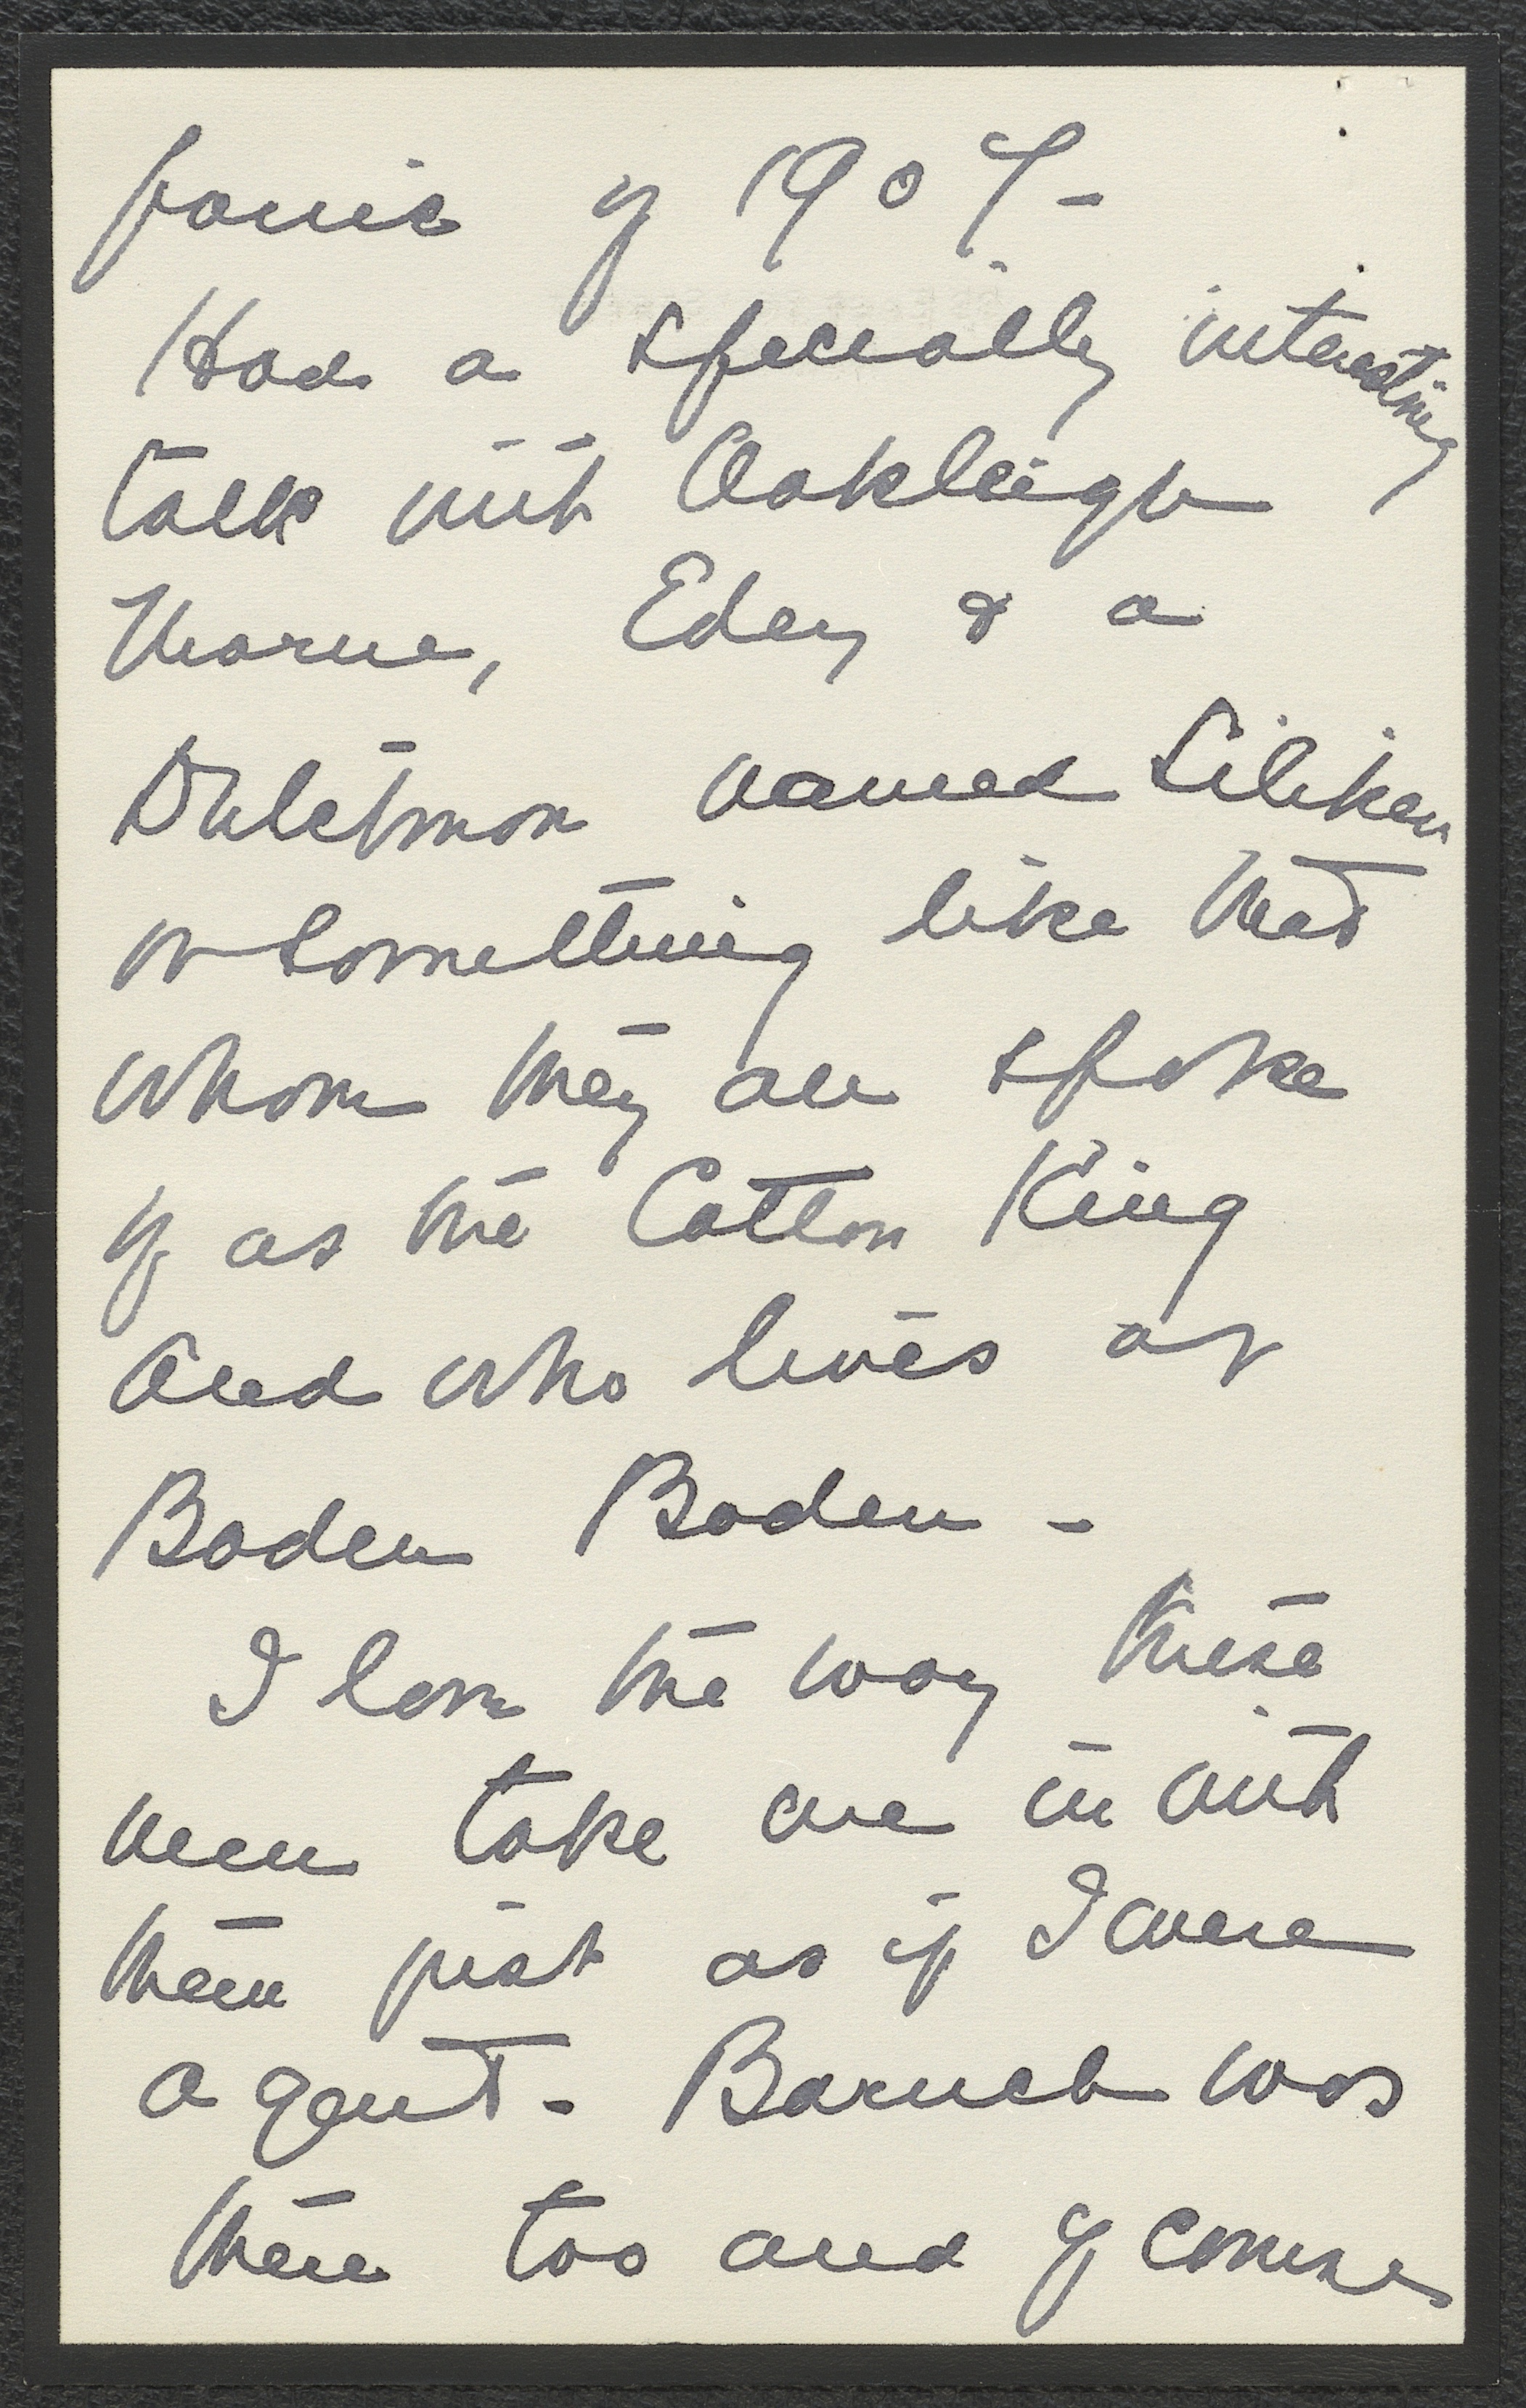panic of 1907 –
Had a specially interesting talk with Oakleigh Thorne, Edey & a Dutchman named Siliken or something like that whom they all spoke of as the Cotton King and who lives at Baden Baden –
I love the way these men take me in with them just as if I were a gent – Baruch was there too and of course